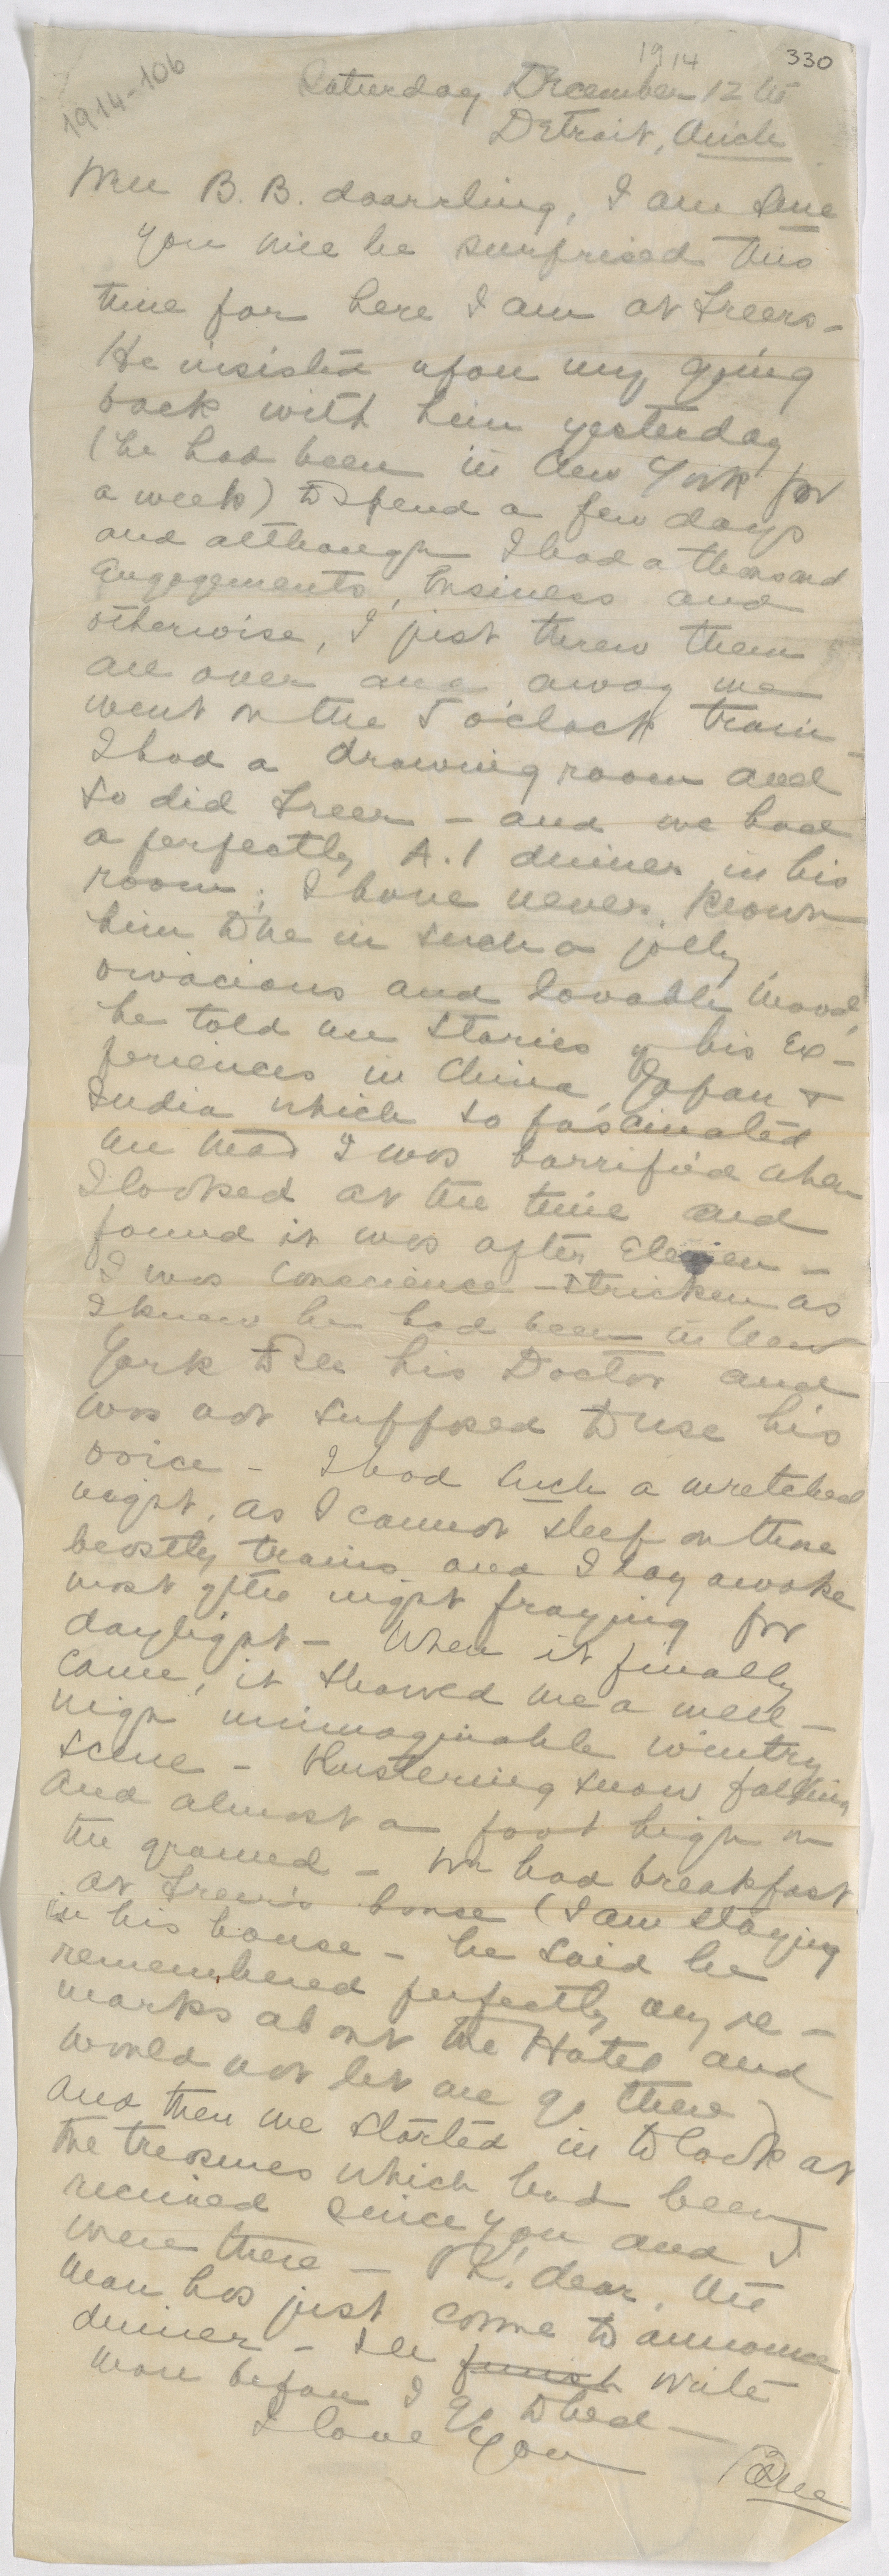Saturday December 12th
Detroit, Mich.
Well B.B. darling, I am sure you will be surprised this time for here I am at Freers – He insisted upon my going back with him yesterday (he had been in New York for a week) to spend a few days and although I had a thousand engagements, business and otherwise, I just threw them all over and away we went on the 5 o’clock train – I had a drawing room and so did Freer – and we had a perfectly A.1 dinner in his room; I have never known him to be in such a jolly, vivacious and lovable mood, he told me stories of his experiences in China, Japan & India which so fascinated me that I was horrified when I looked at the time and found it was after eleven – I was conscience-stricken as I know he had been in New York to see his Doctor and was not supposed to use his voice – I had such a wretched night, as I cannot sleep on those beastly trains and I lay awake most of the night praying for daylight – When it finally came, it showed me a well-nigh unimaginable wintry scene – blustering snow falling and almost a foot high on the ground – We had breakfast at Freer’s house (I am staying in his house – he said he remembered perfectly my remarks about the Hotel and would not let me go there) and then we started in to look at the treasures which had been received since you and I were there – Oh! dear, the man has just come to announce dinner – I’ll finish write more before I go to bed –
I love you Belle